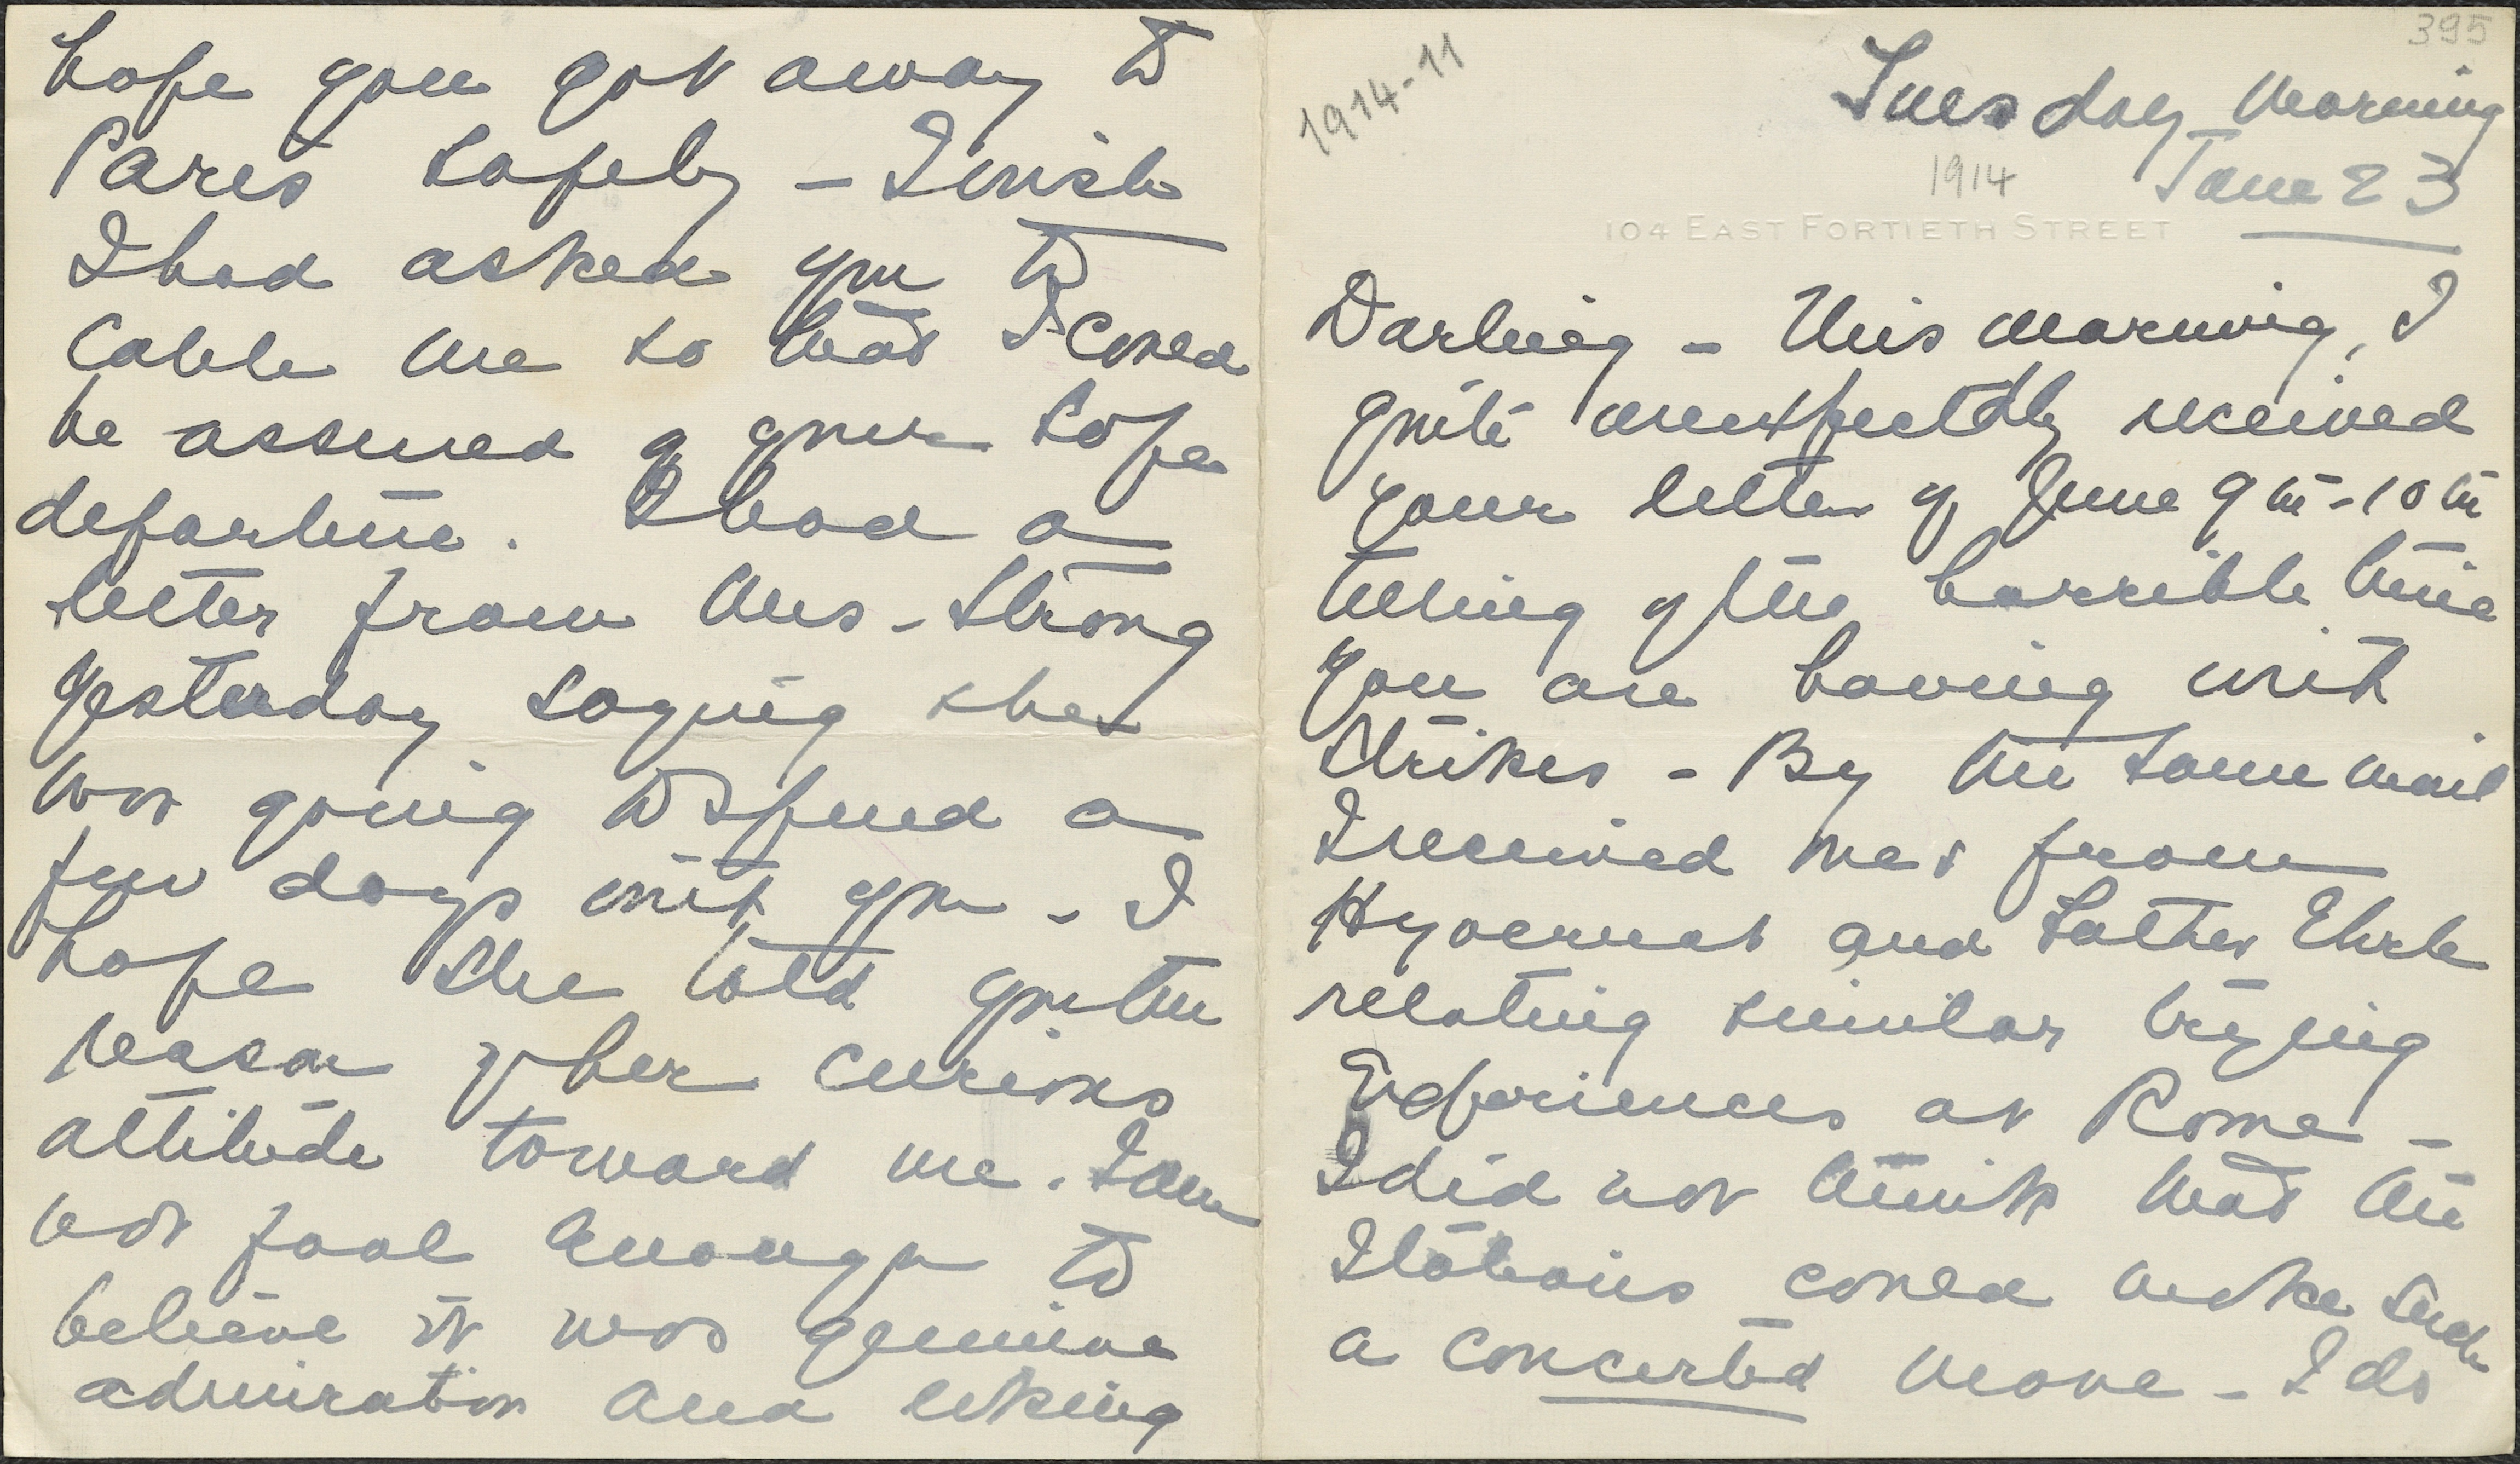Tuesday morning June 23
Darling – This morning I quite unexpectedly received your letter of June 9th-10th telling of the horrible time you are having with strikes – By the same mail I received ones from Hyvernat and father Ehrle relating similar trying experiences at Rome – I did not think that the Italians could make such a concerted move – I do
hope you got away to Paris safely – I wish I had asked you to cable me so that I could be assured of your safe departure. I had a letter from Mrs. Strong yesterday saying she was going to spend a few days with you – I hope she told you the reason of her curious attitude toward me. I am not fool enough to believe it was genuine admiration and liking